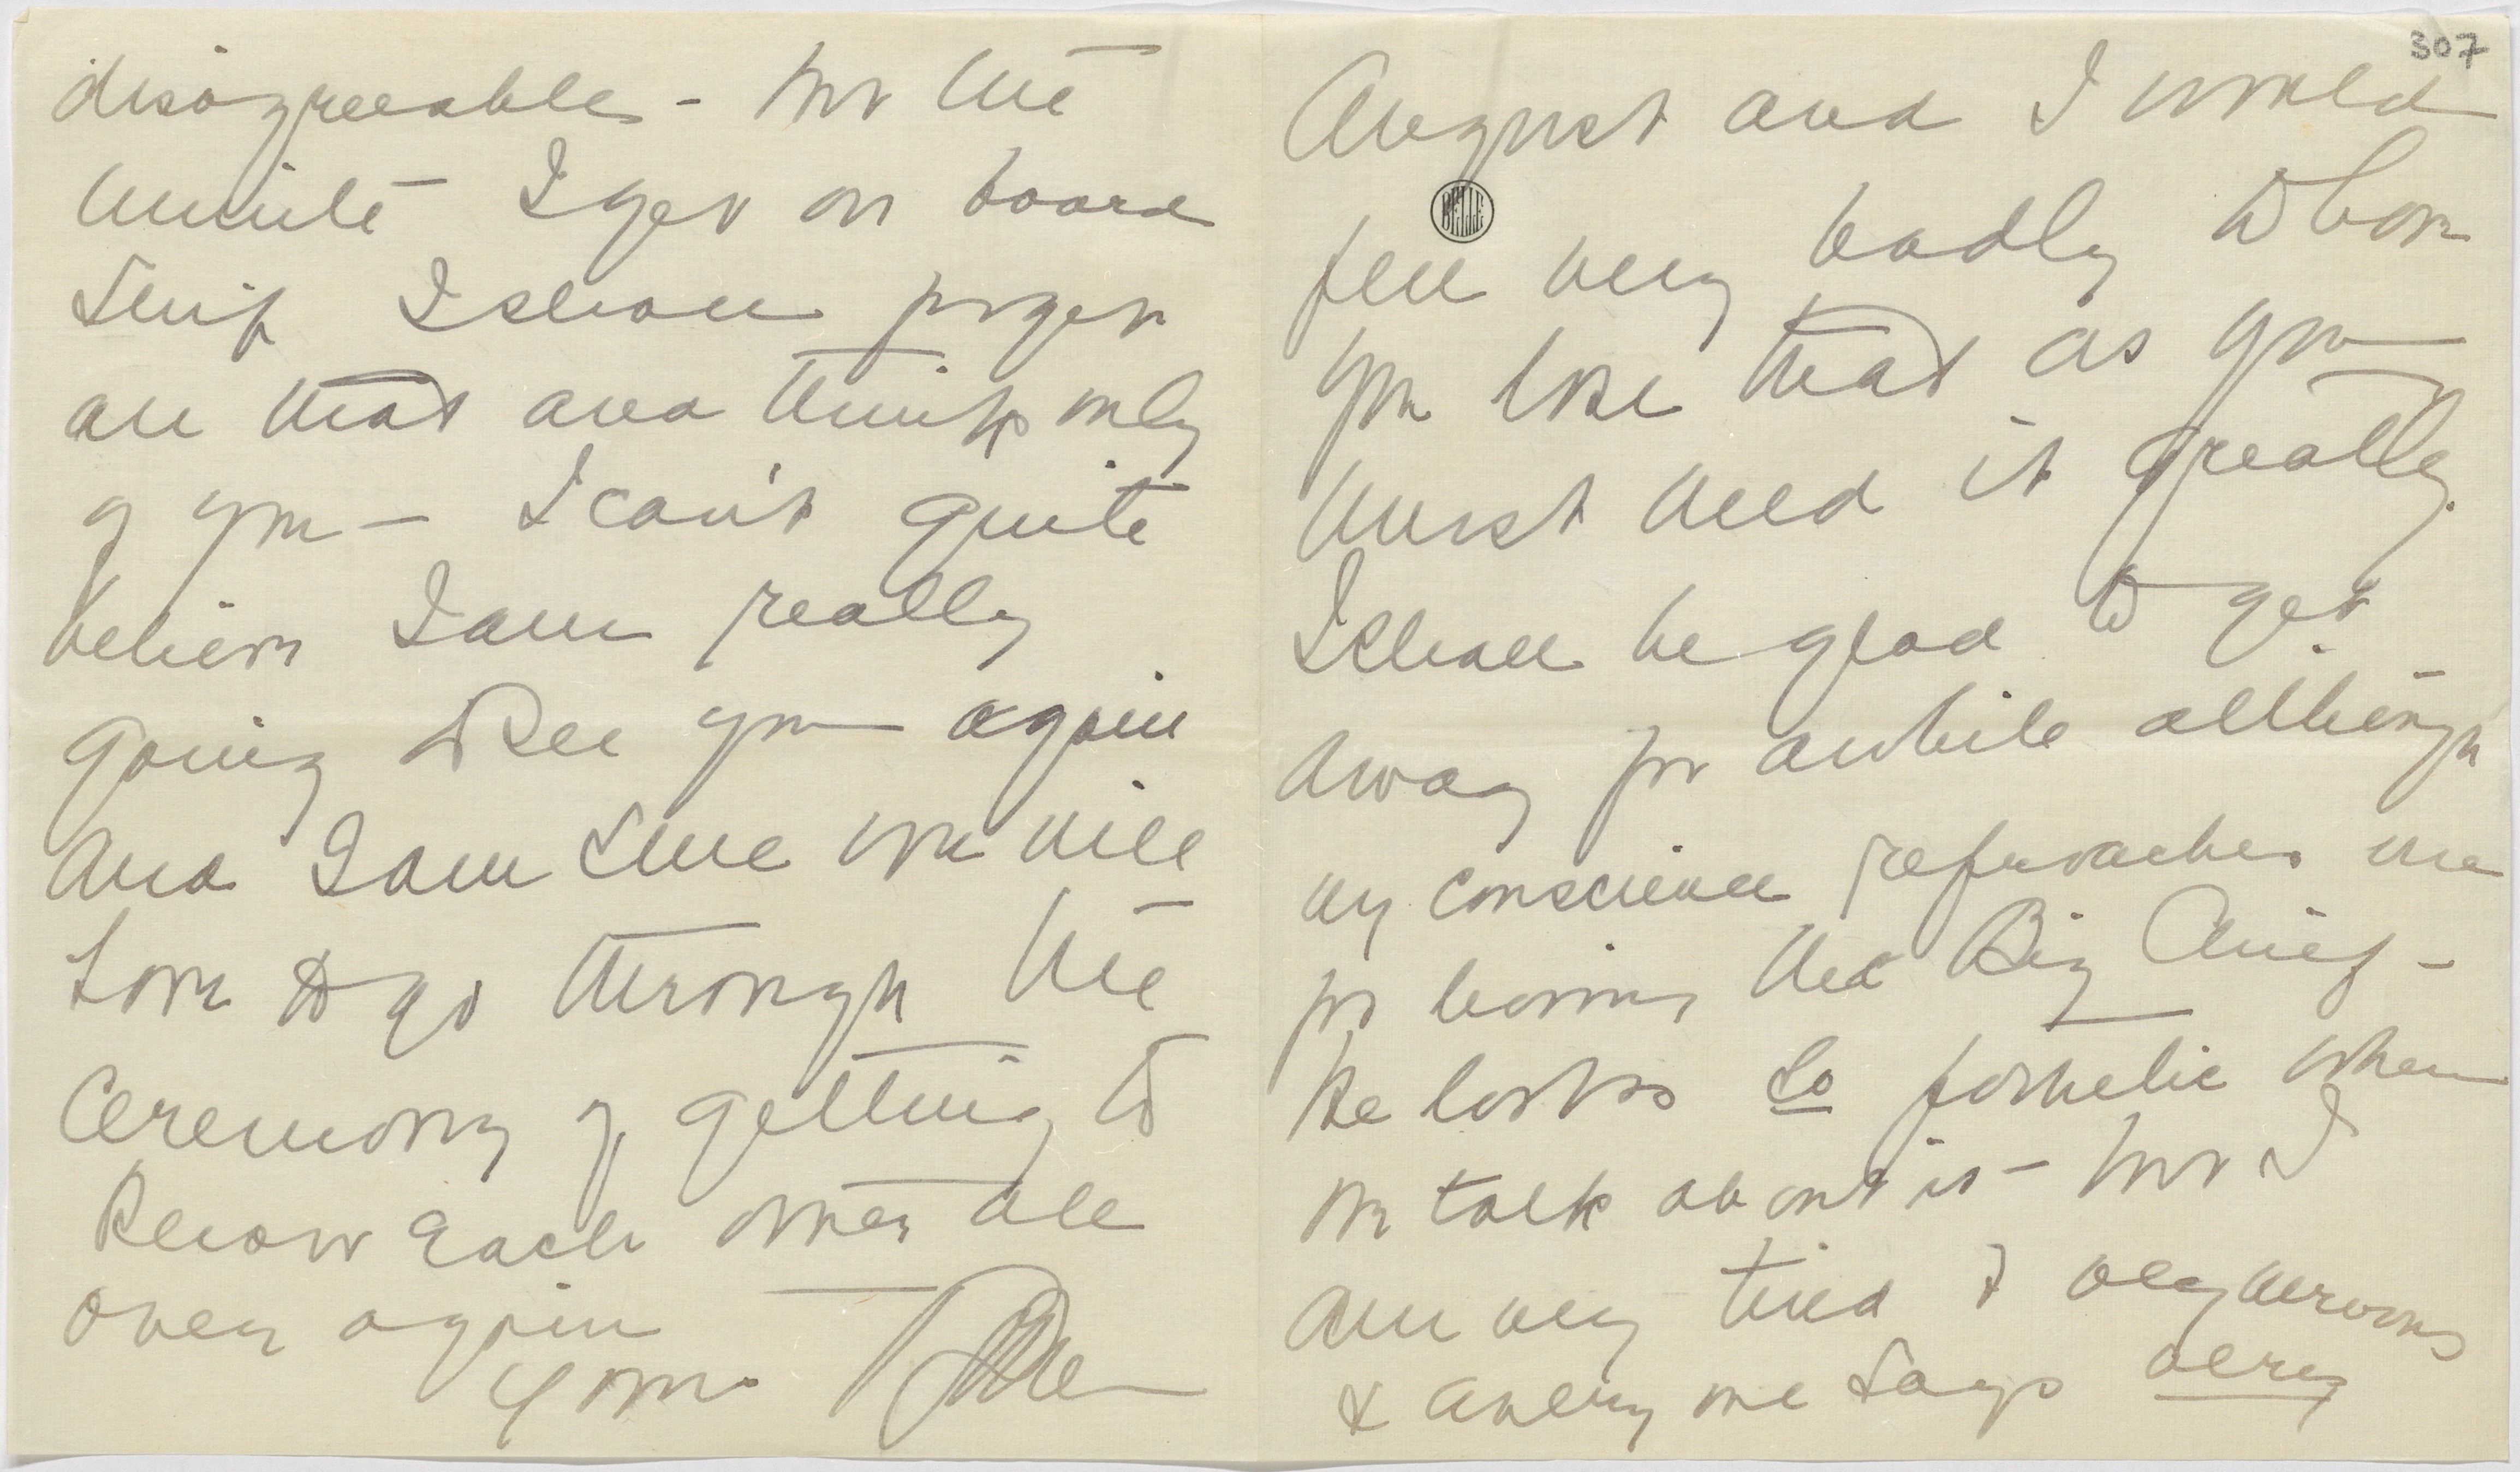August and I would feel very badly to have you lose that as you must need it greatly. I shall be glad to get away for awhile although my conscience reproaches me for leaving the Big Chief – he looks so pathetic when we talk about it – but I am very tired & very nervous & every one say very
disagreeable – but the minute I get on board ship I shall forget all that and think only of you – I can’t quite believe I am really going to see you again and I am sure we will have to go through the ceremony of getting to know each other all over again
Your Belle